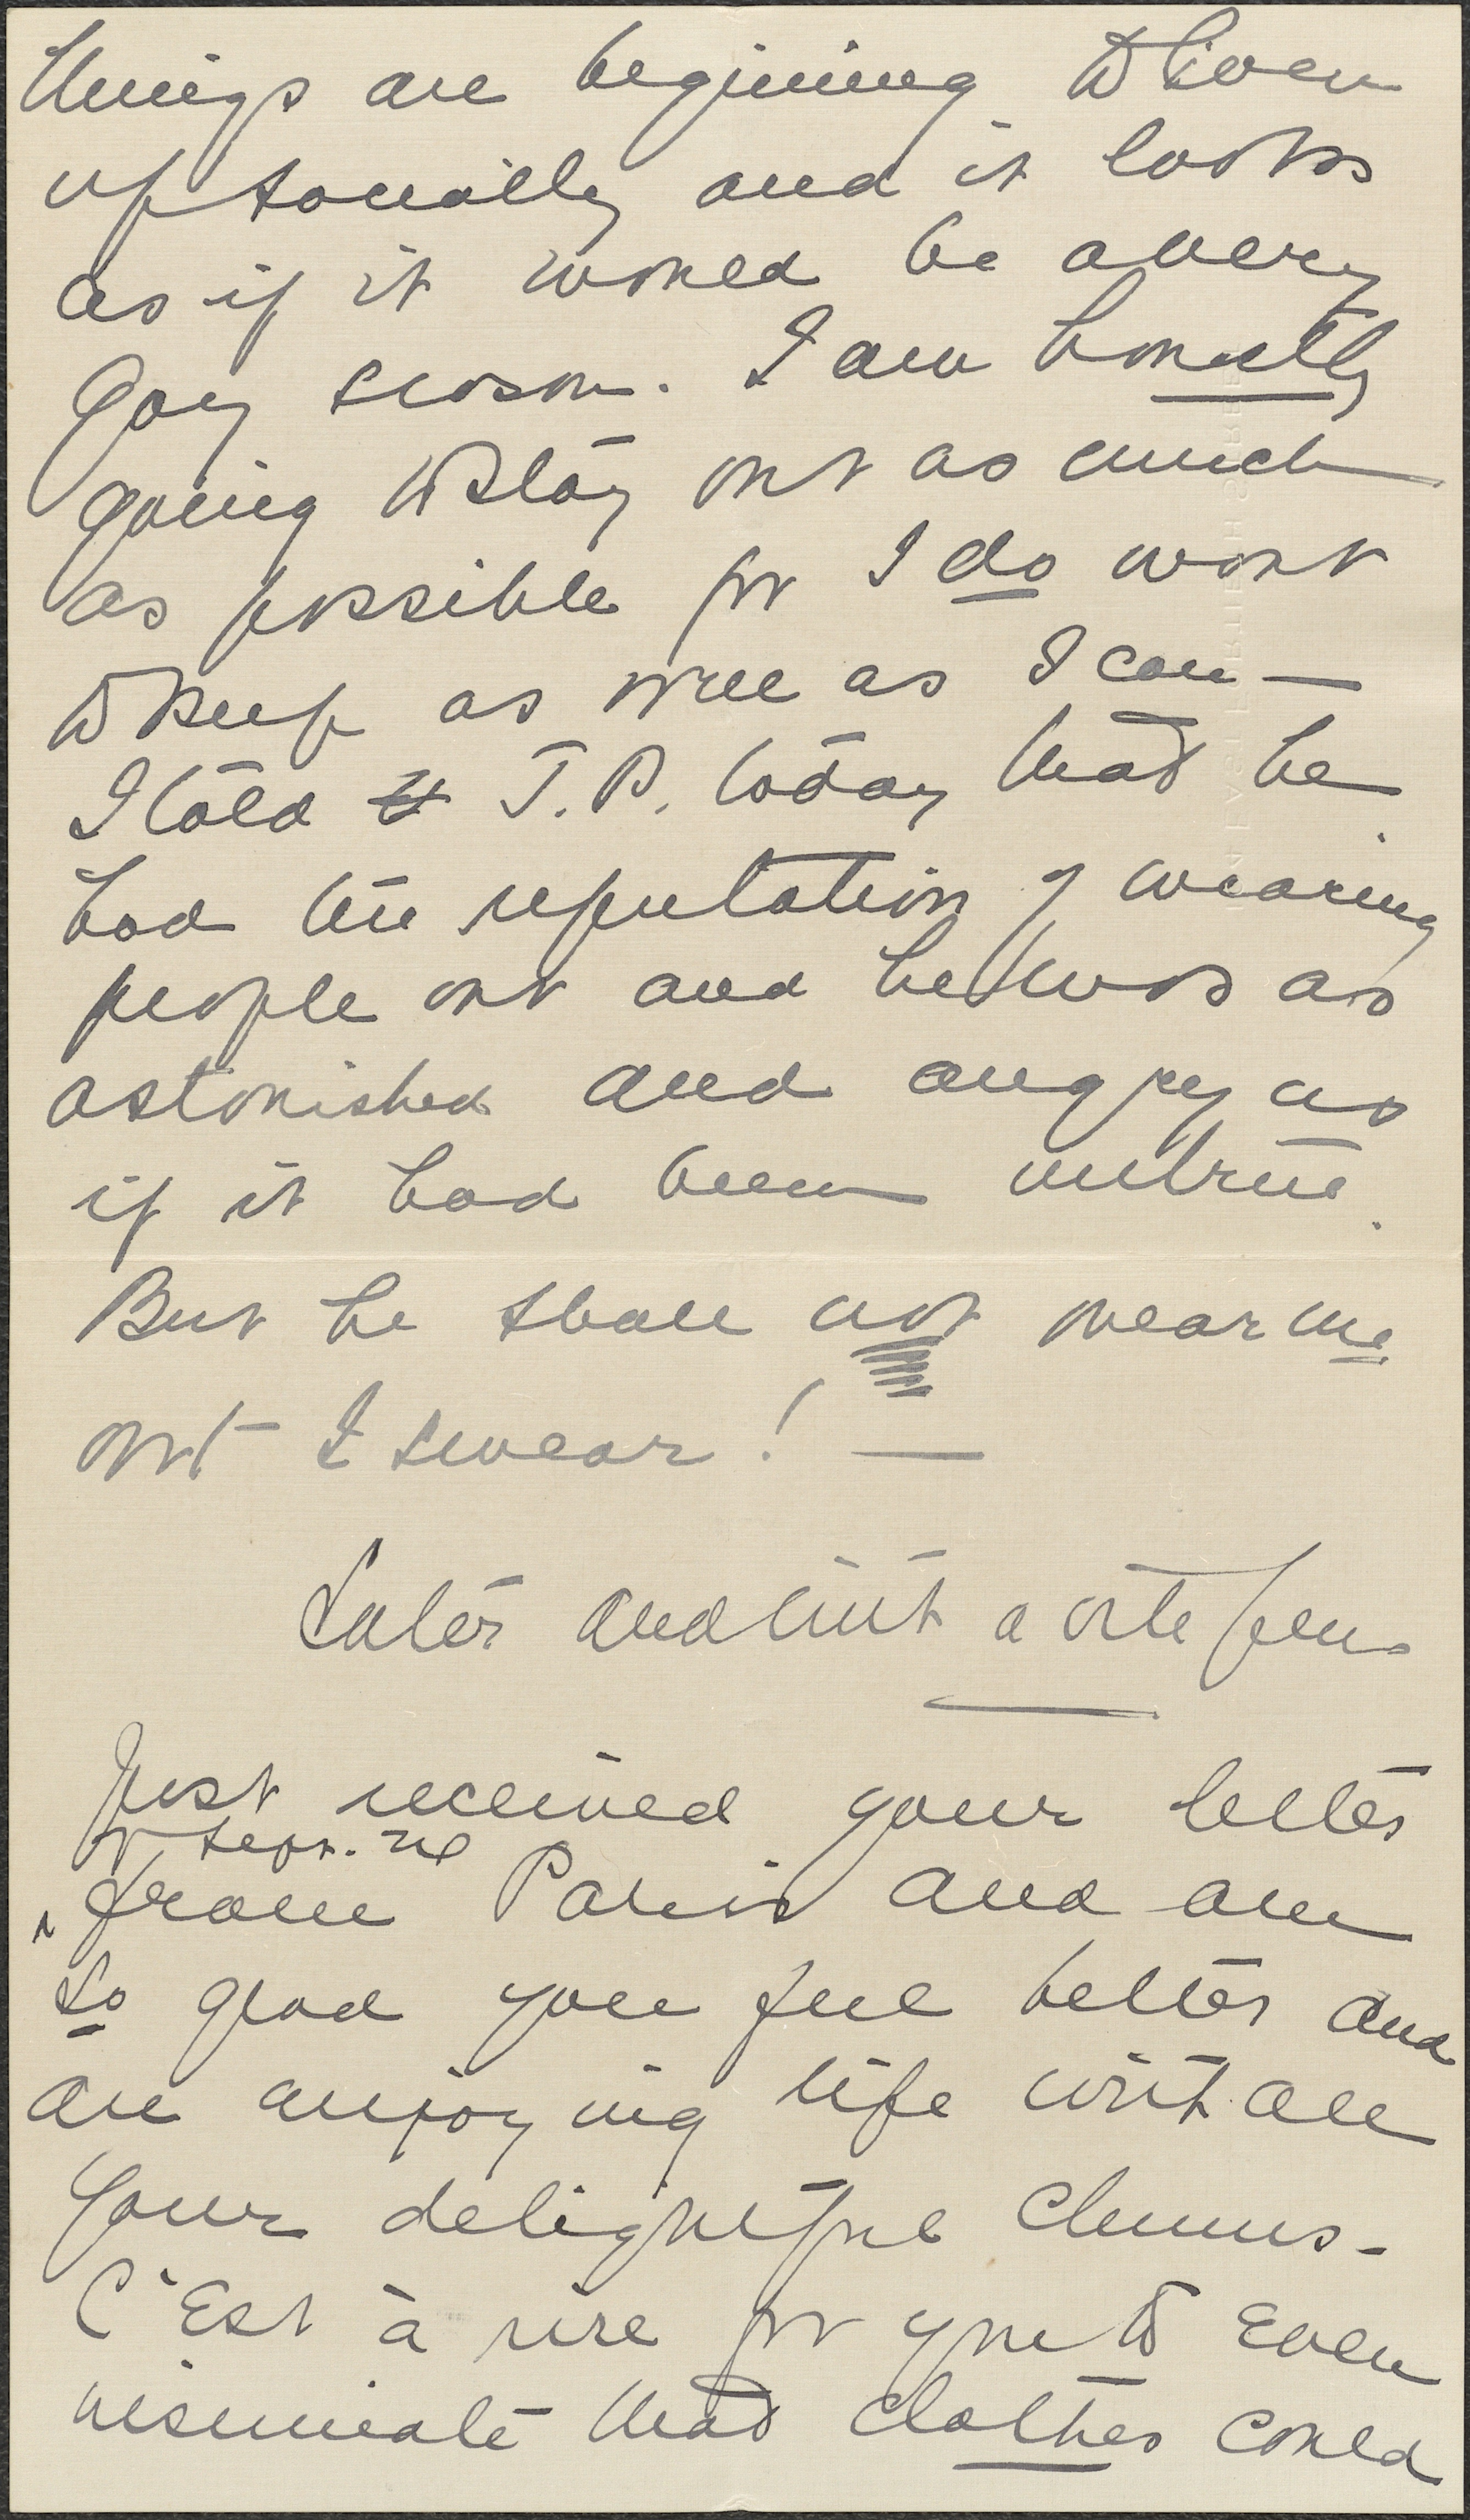Things are beginning to even up socially and it looks as if it would be a very gay season. I am honestly going to stay out as much as possible for I do want to keep as well as I can – I told U J. P. today that he had the reputation of wearing people out and he was as astonished and angry as if it had been untrue. But he shall [underlined five times: not] wear me out I swear! –
Later and with a vile pen
Just received your letter [^of Sept. 24^] from Paris and am so glad you feel better and are enjoying life with all your delightful chums – C’est à rire for you to even insinuate that clothes could